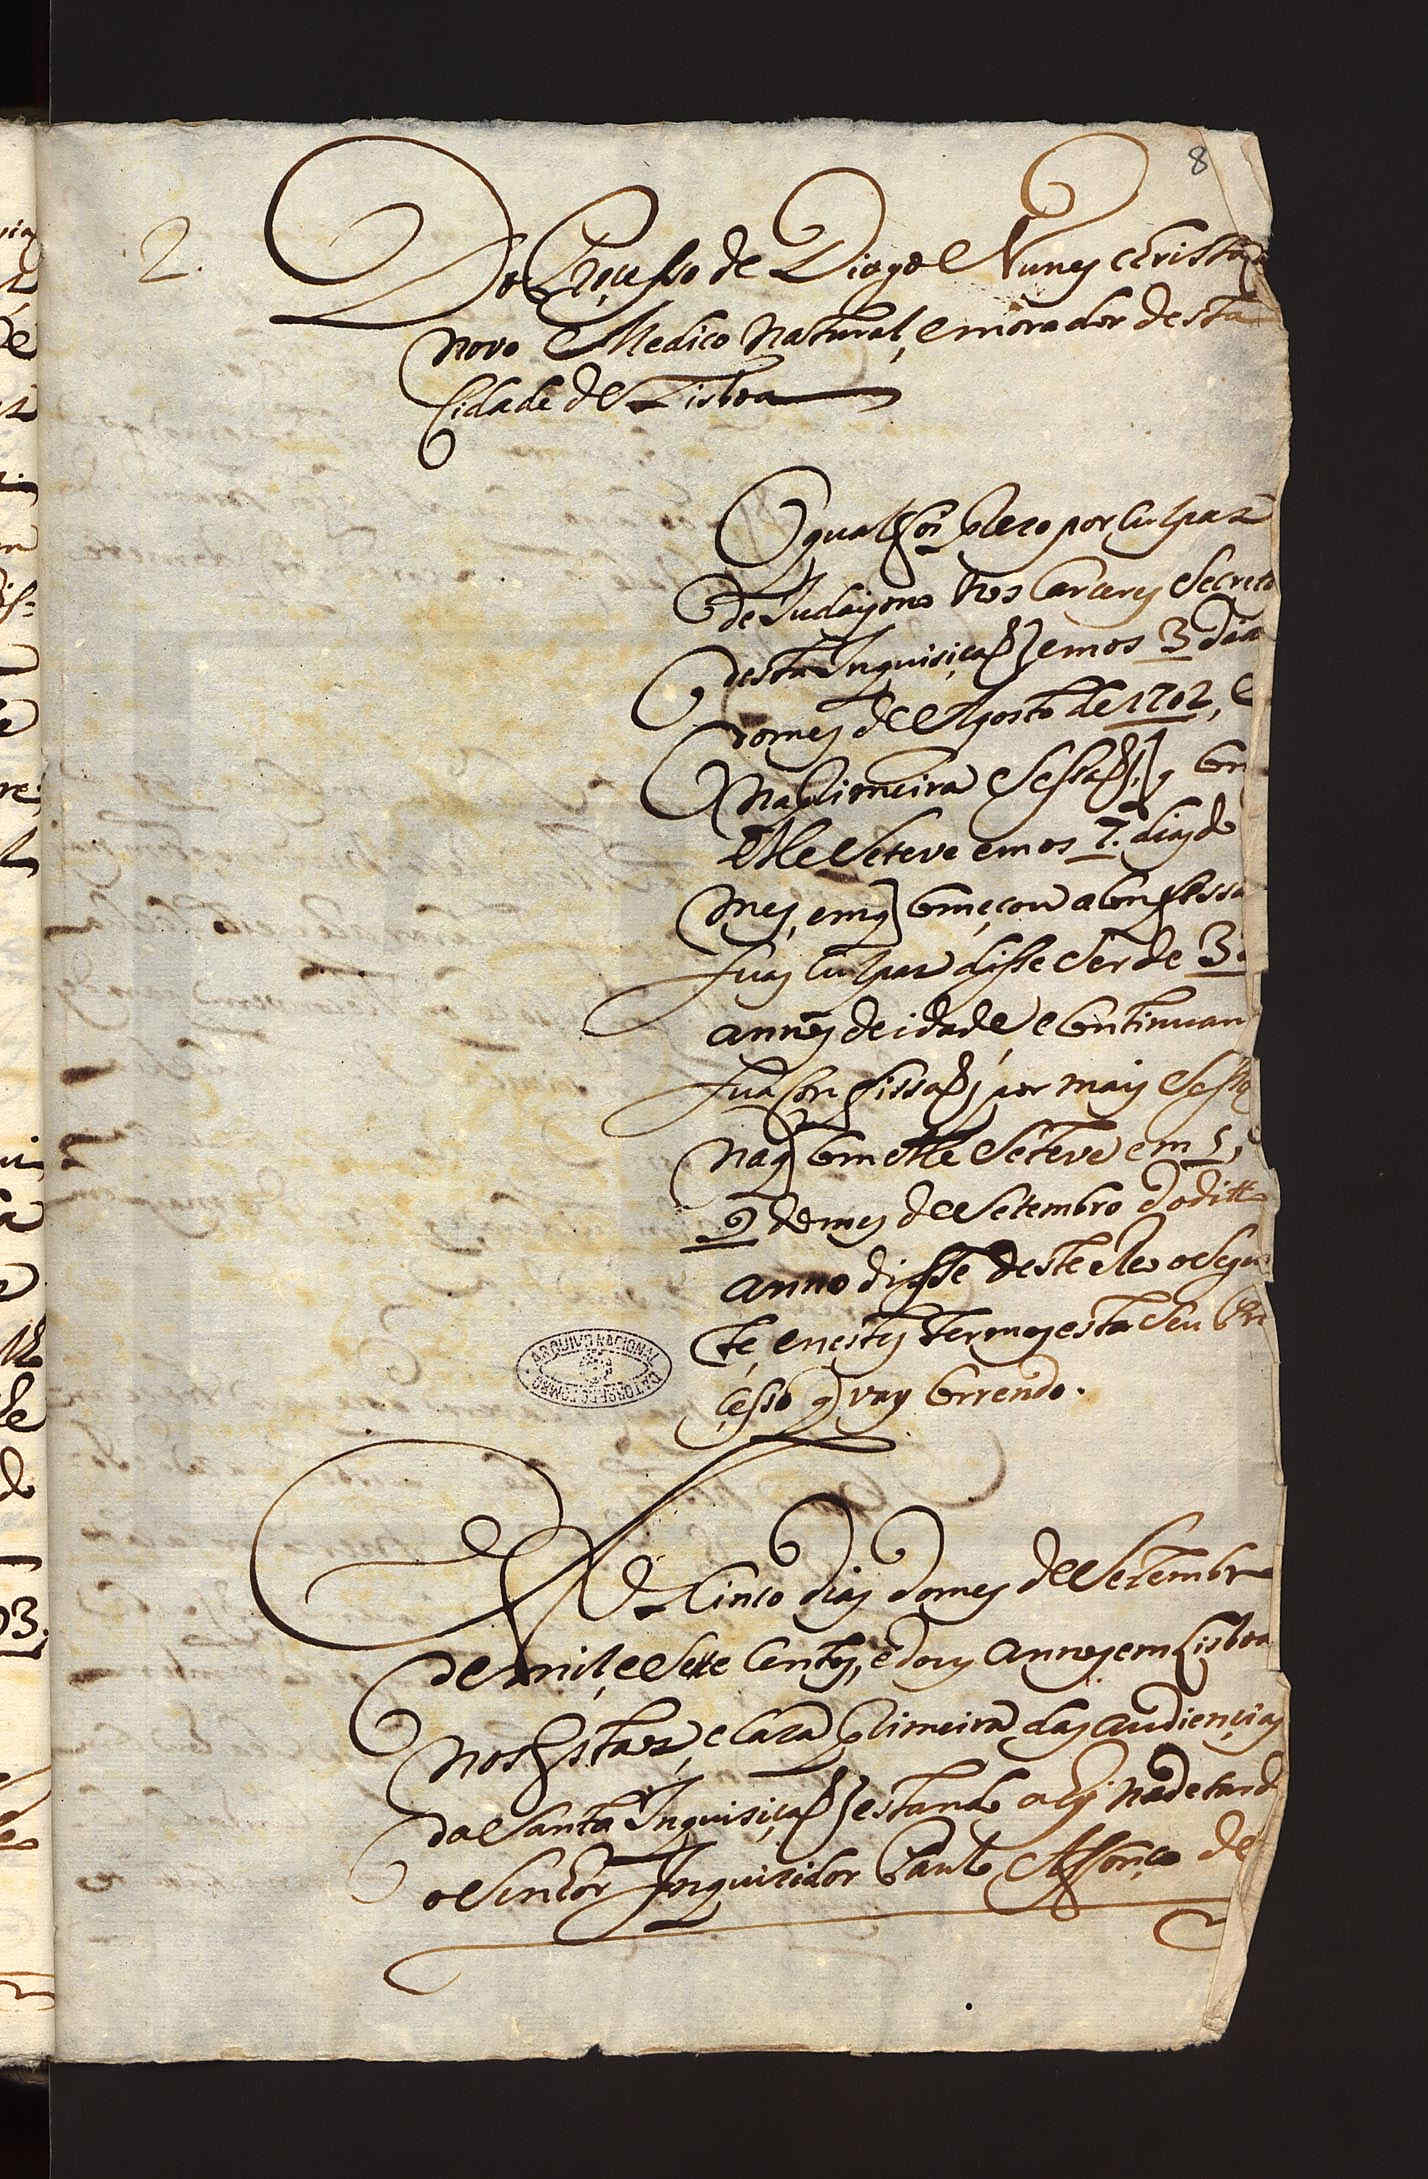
Do Processo de Diogo Nunes christão
novo Medico natural, e morador desta
Cidade de Lisboa
O qual foi pRezo por culpas
de Iudaismo nos Carceres Secreto
desta Inquisiçaõ em os 3 dia
do mes de Agosto de 1702, e
na primeira Sessaõ, q̄ Con
elle se teve em os 7. dias do
mes, em q̄ Começou a Confessa
suas Culpas disse ser de 3
annos de idade, e Continuan
Sua Confissaõ por mais Sess
na q̄ Com elle Se teve em
9 do mes de Setembro do ditto
anno disse deste Reo o Segui
te, e nestes termos esta seu Pr
cesso q̄ vay Correndo.
Aos Cinco dias do mes de Setembro
de mil, e Settecentos, e dous annos em Lisboa
nos Estaos, e Caza pRimeira das audiencias
da Santa Inquisiçaõ estando ahy na de tard
o Senhor Jnquizidor Paulo Affonço de
